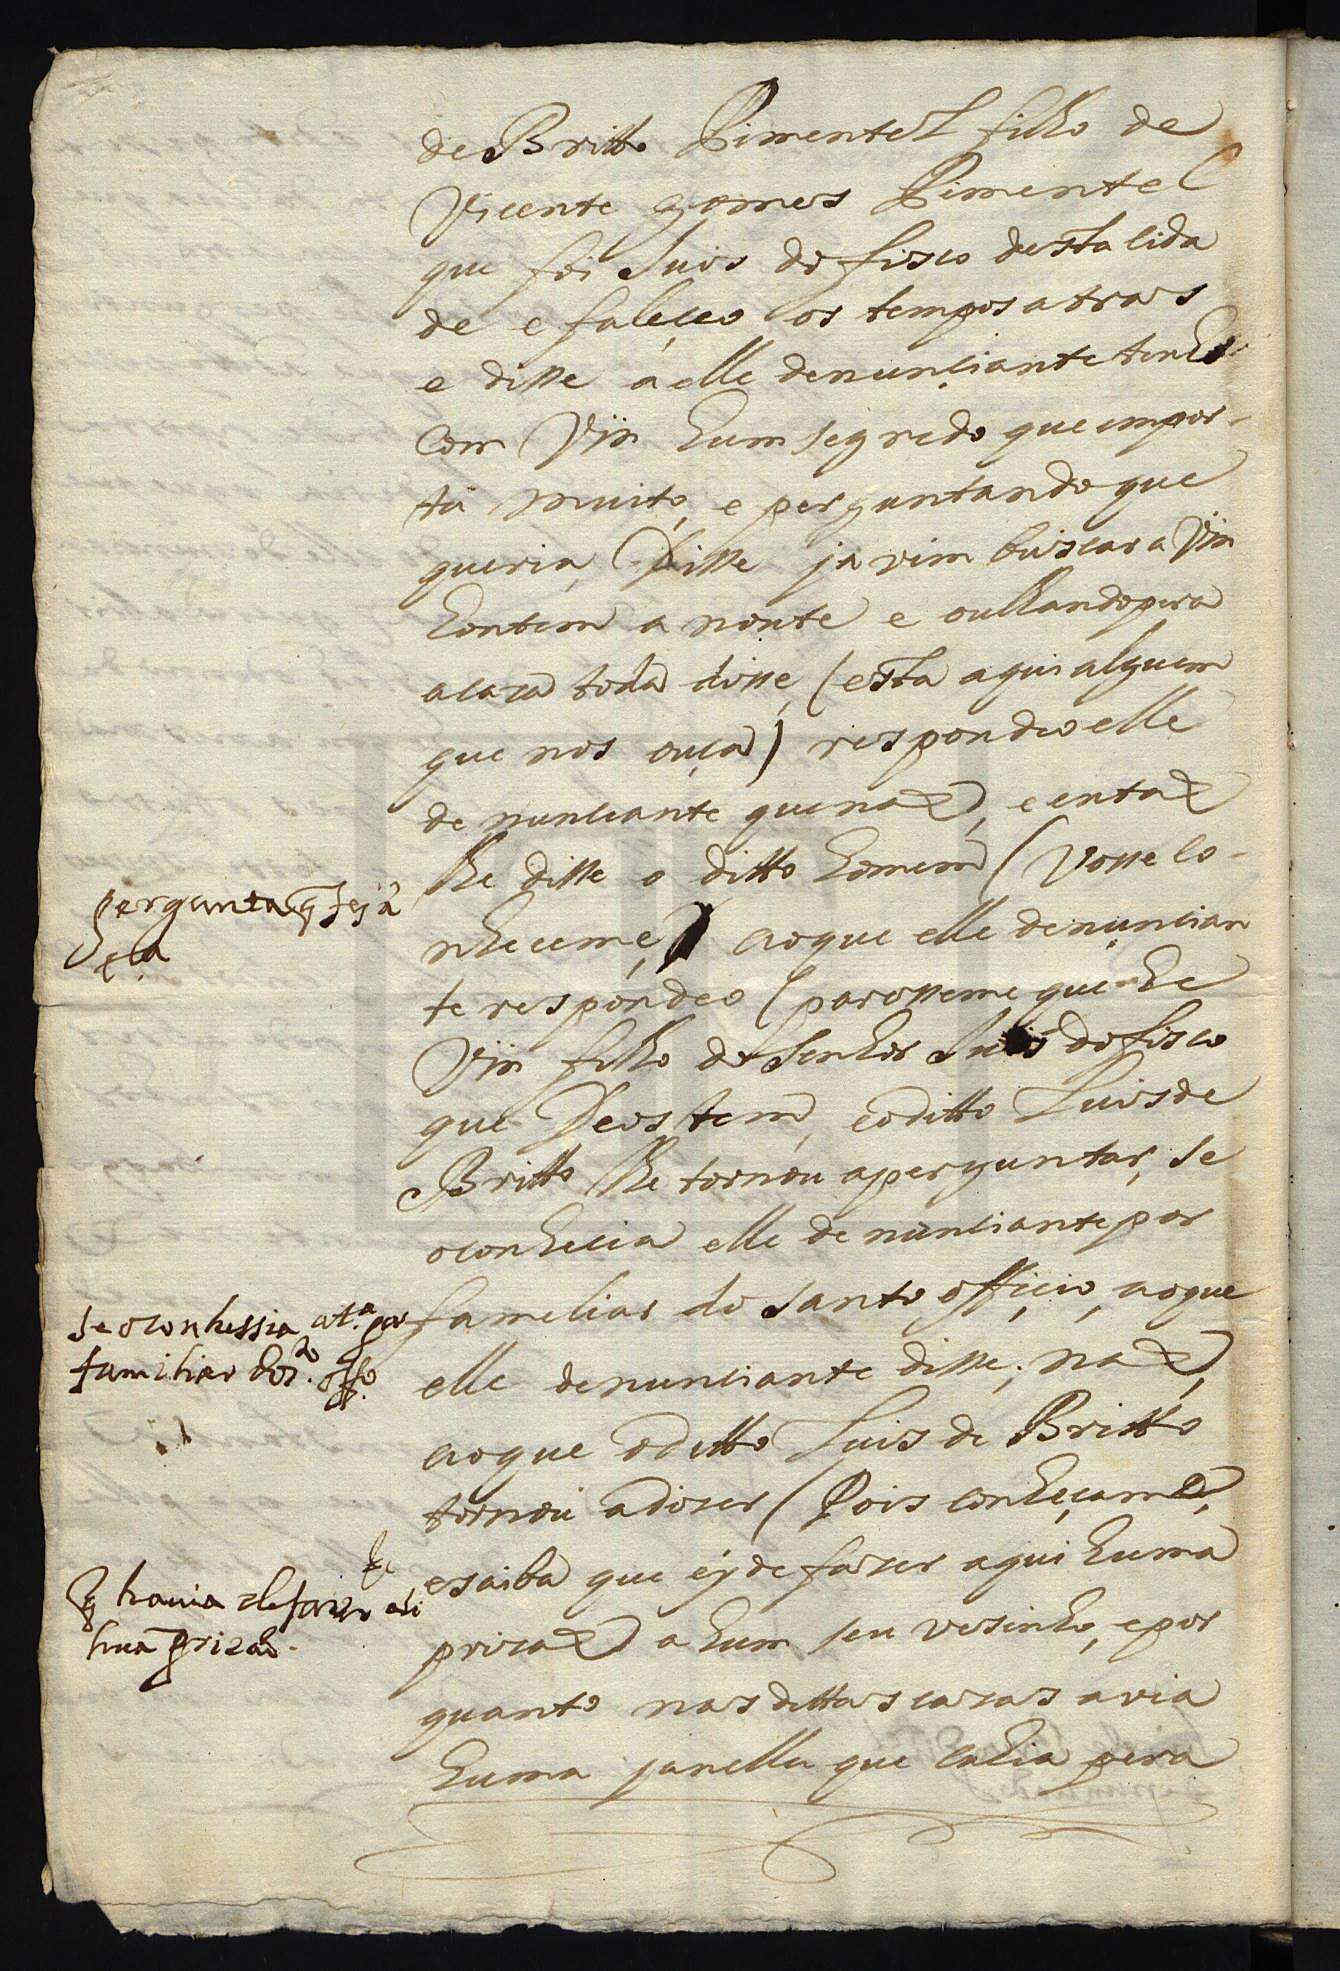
de Britto Pimentel filho de
Vicente gomes Pimentel
que foi Iuis do fisco desta cida
de e faleceo os tempos atras
e disse a elle denunciante tinha
com Vm hum segredo que impor
ta muito, e perguntando que
queria, Disse ja vim buscar a Vm
hontem a noute e oulhando pera
a caza toda disse, (esta aqui alguem
que nos ouça) respondeo elle
denunciante que naõ, e entaõ
lhe disse o ditto homem (Vosse co
pergunta q̄ fes á
t.a
nheceme,) ao que elle denuncian
te respondeo (paresseme que he
Vm filho do Senhor Iuis do fisco
que Deos tem, e o ditto Luis de
Britto lhe tornou a perguntar, se
o conhecia elle denunciante por
familiar do santo officio, ao que
se o conhessia a t.a por
familiar do s.to off.o
elle denunciante disse; naõ,
ao que o ditto Luis de Britto
tornou a dizer (Pois conheçame,
e saiba que ey de fazer aqui huma
q̄ hauia de fazer ali
huā prizaõ
prizaõ a hum seu vezinho, e por
quanto nas dittas cazas avia
huma janella que cahia pera
